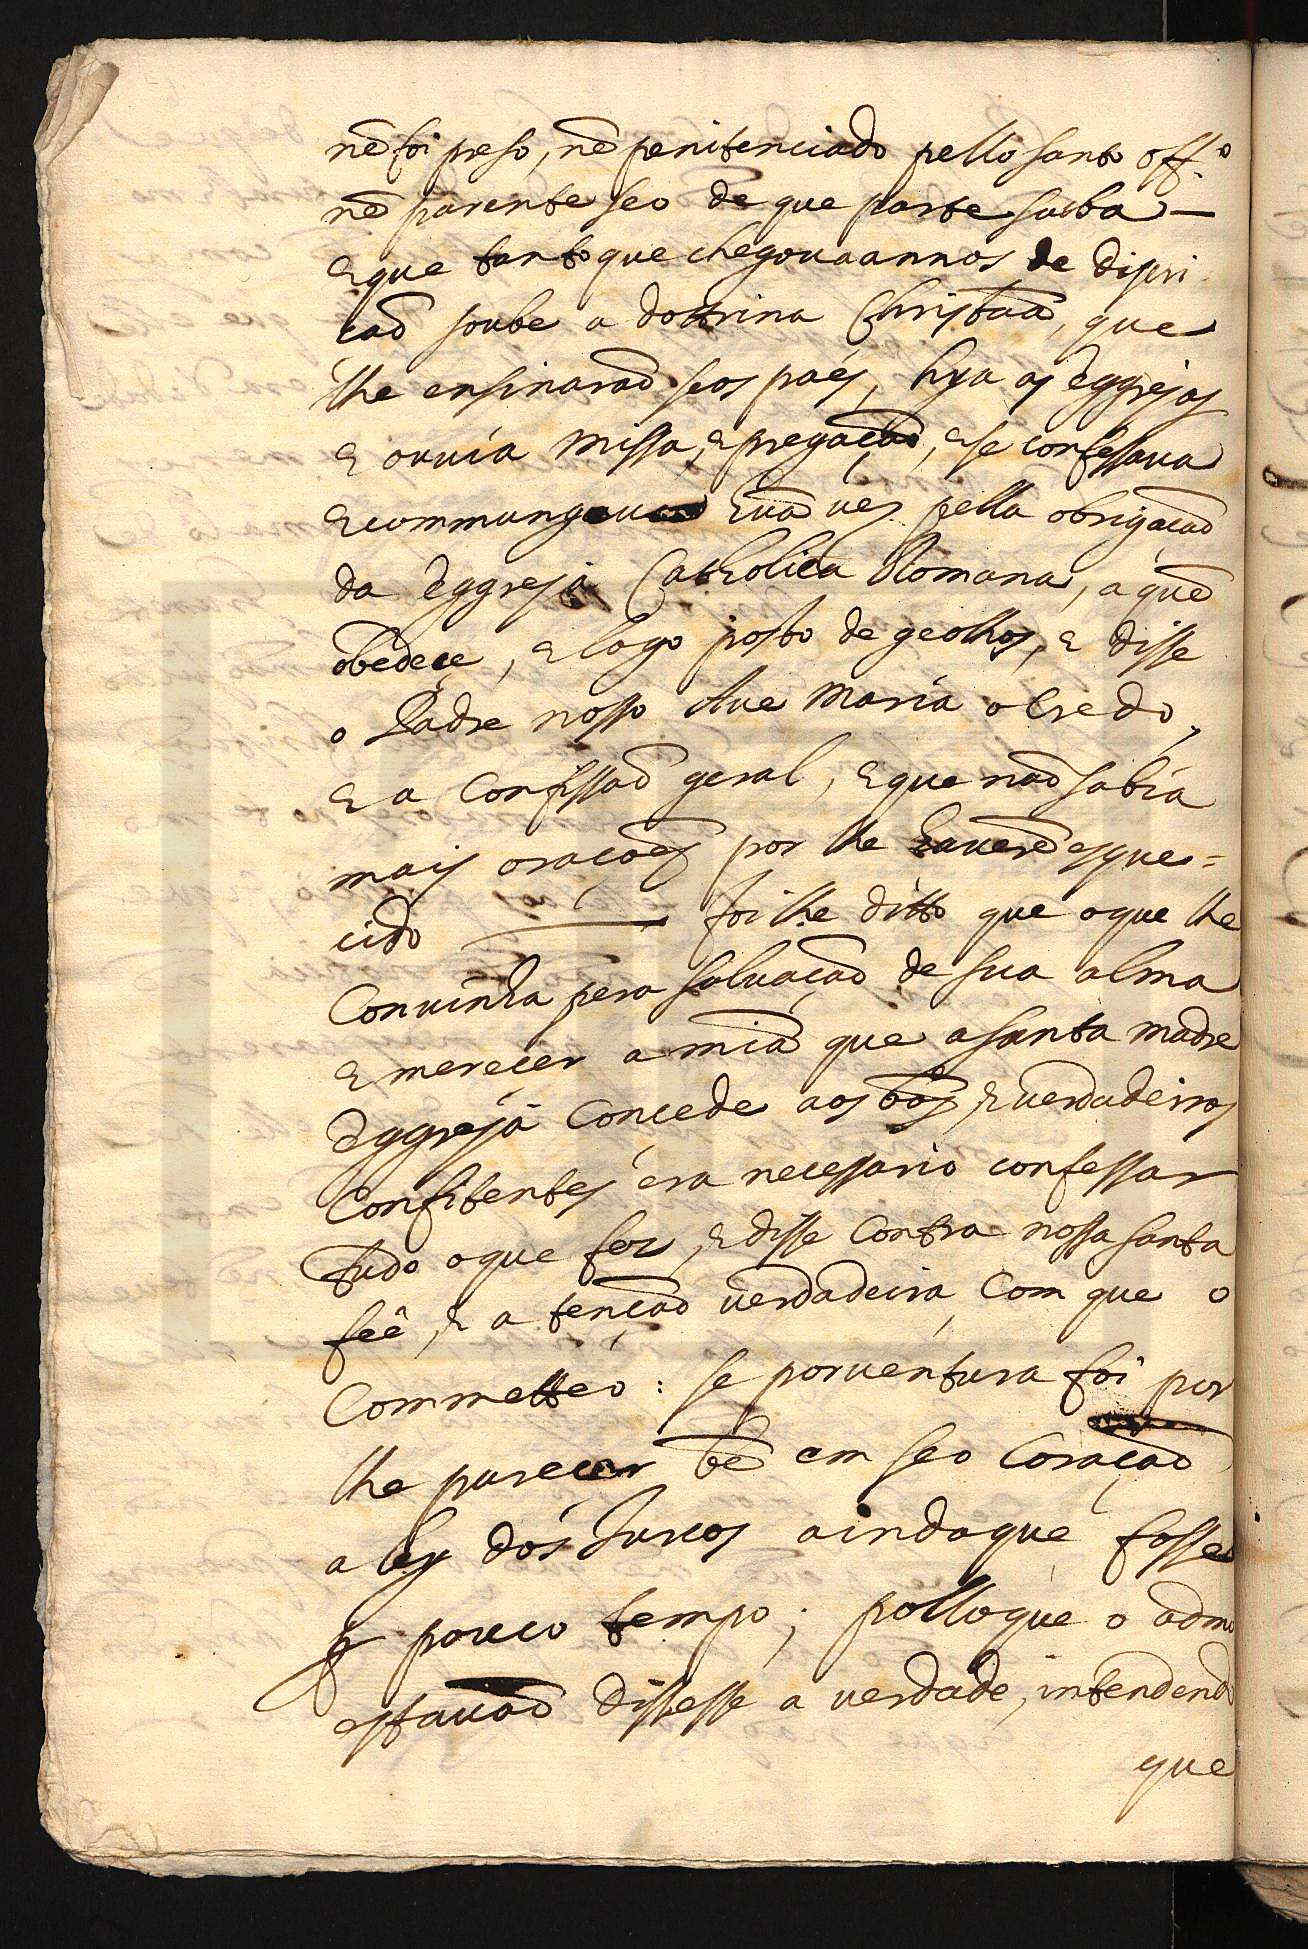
nē foi preso, nē penitenciado pello santo off.o
nē parente seo de que parte saiba
E que tanto que chegou a annos de discri
çaõ soube a doctrina Christaā, que
lhe ensinaraõ seos paes hya as eggrejas
E ouuia missa, E pregaçaõ, E se confessaua
E commungaua huā uez pella obrigação
da eggreja Catholica Romana, a que
obedece, E logo posto de geolhos, E disse
o Padre nosso Aue Maria o credo
E a confissaõ geral, E que naõ sabia
mais oraçoẽs por lhe hauerē esque
cido
foi lhe ditto que o que lhe
Conuinha pera saluação de sua alma
e merecer a mīa que a santa madre
eggreja concede aos bōs, E uerdadeiros
Confitentes era necessario confessar
tudo o que fez, E disse contra nossa santa
feé, E a tençaõ uerdadeira com que o
commetteo: se poruentura foi por
lhe parecer bē em seo coraçaõ
a ley dos turcos, ainda que fosse
ꝑ pouco tempo; pello que o admo
estauão dissesse a uerdade, intendendo
que
